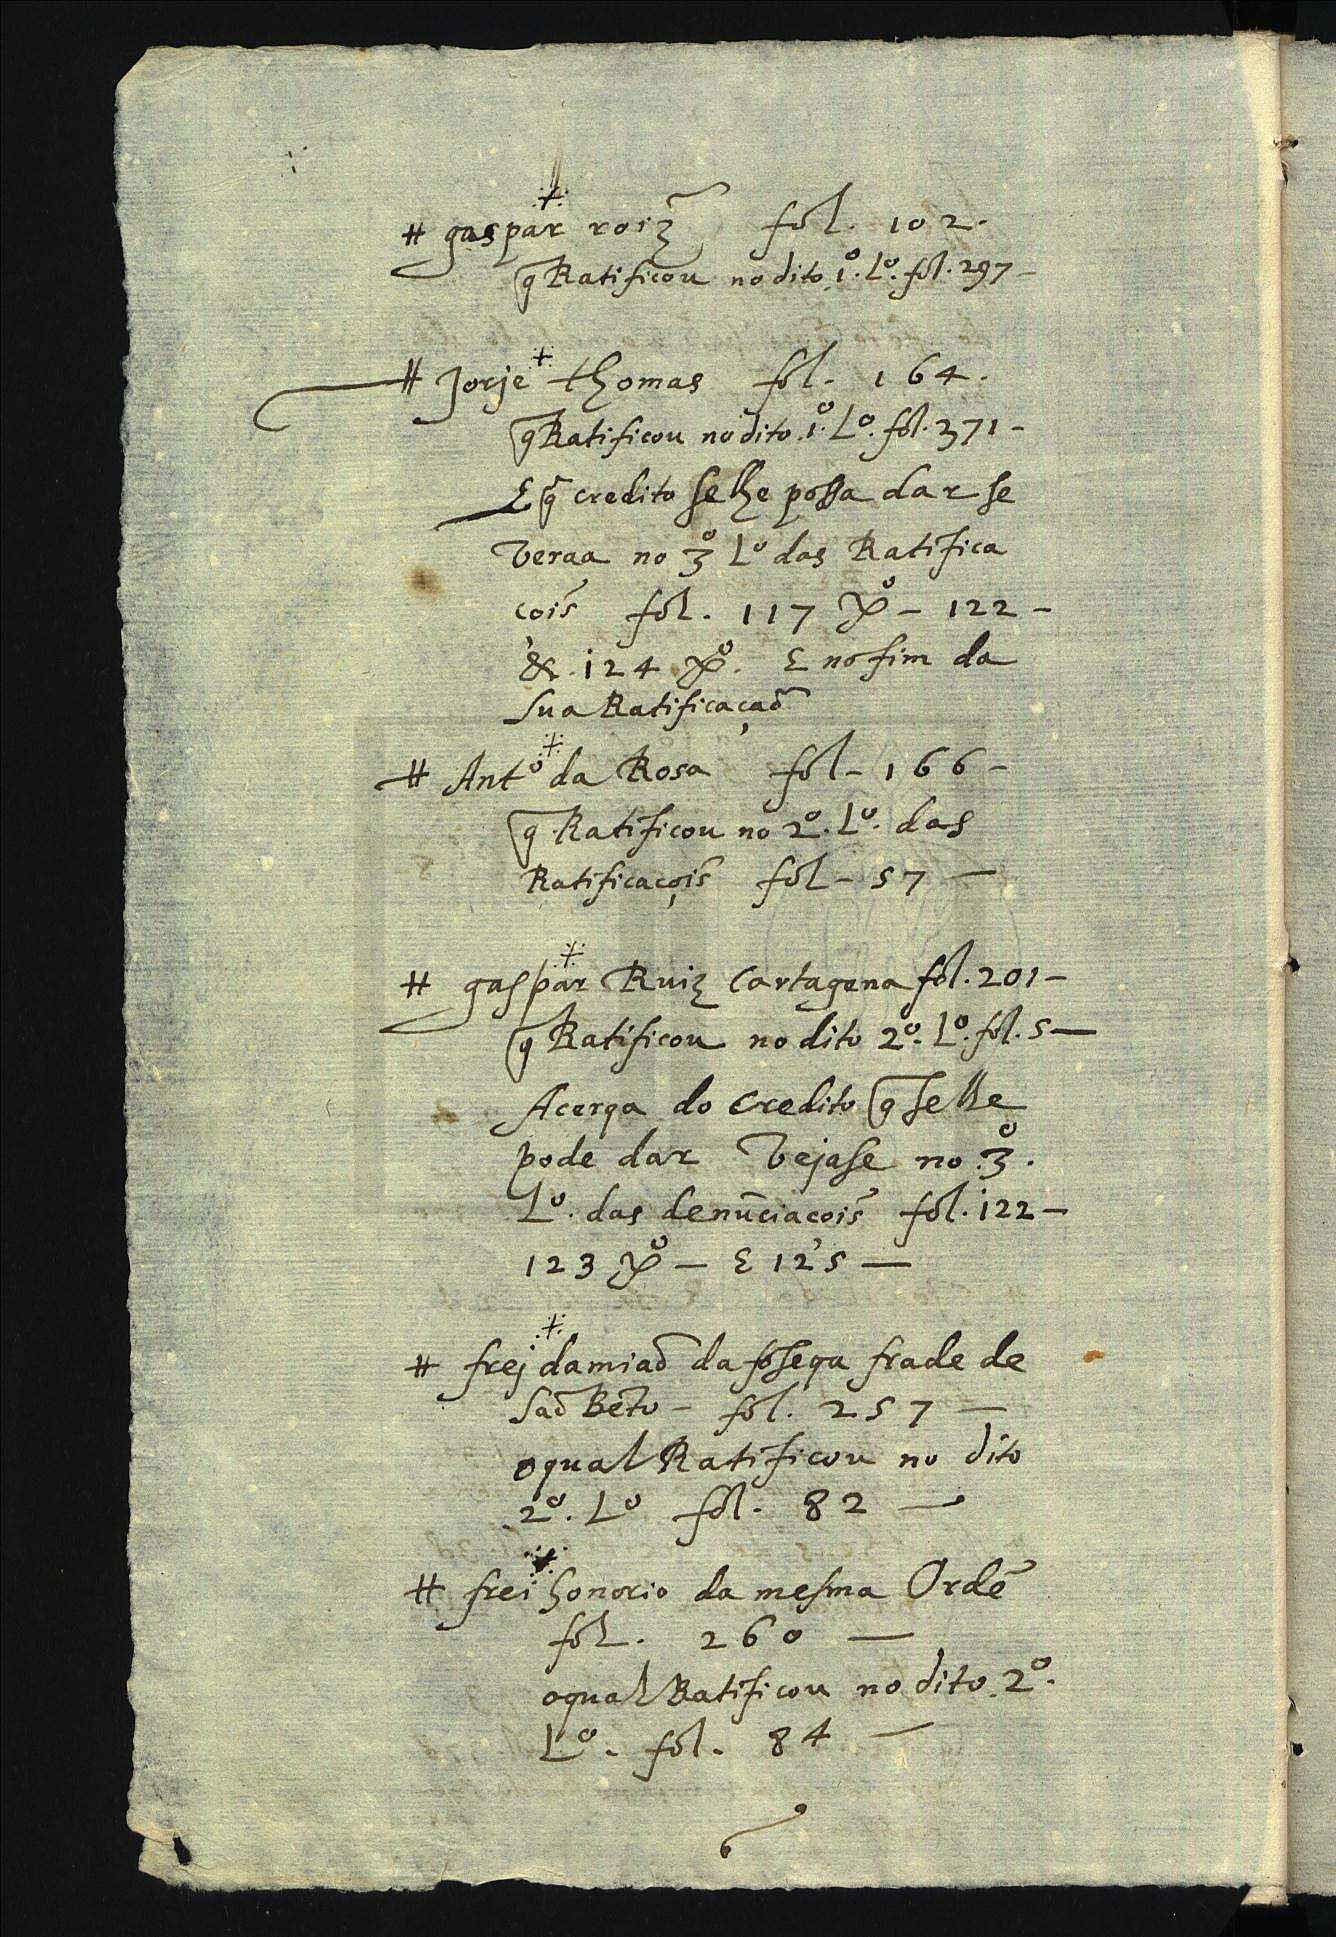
gaspar roiz̄ fol. 102.
q̄ Ratificou no dito .1o. Lo. fol. 297 -
Jorge thomas fol. 164
q̄ Ratificou no dito .1o. Lo. fol. 371 -
E q̄ credito se lhe possa dar se
veraa no 3o Lo das Ratifica
çois̄ fol. 117 ꝟo – 122 –
&. i24 ꝟo. E no fim da
sua Ratificaçaõ
Anto da Rosa fol- 166 -
q̄ .Ratificou no 2o Lo. das
Ratificaçois̄ fol – 57
gaspar Ruiz Cartagena fol. 201 -
q̄ Ratificou no dito 2o. Lo. fol 5
Acerqa do Credito q̄ se lhe
pode dar vejase no .3o.
Lo. das denūciaçois̄ fol. 122 –
123 ꝟo — E 125
frej damião da fōseqa frade de
Saõ Bēto – fol. 257
o qual Ratificou no dito
2o. Lo. fol. 82
frei honorio da mesma Ordē
fol. 260
o qual Ratificou no dito .2o.
Lo. fol. 84
